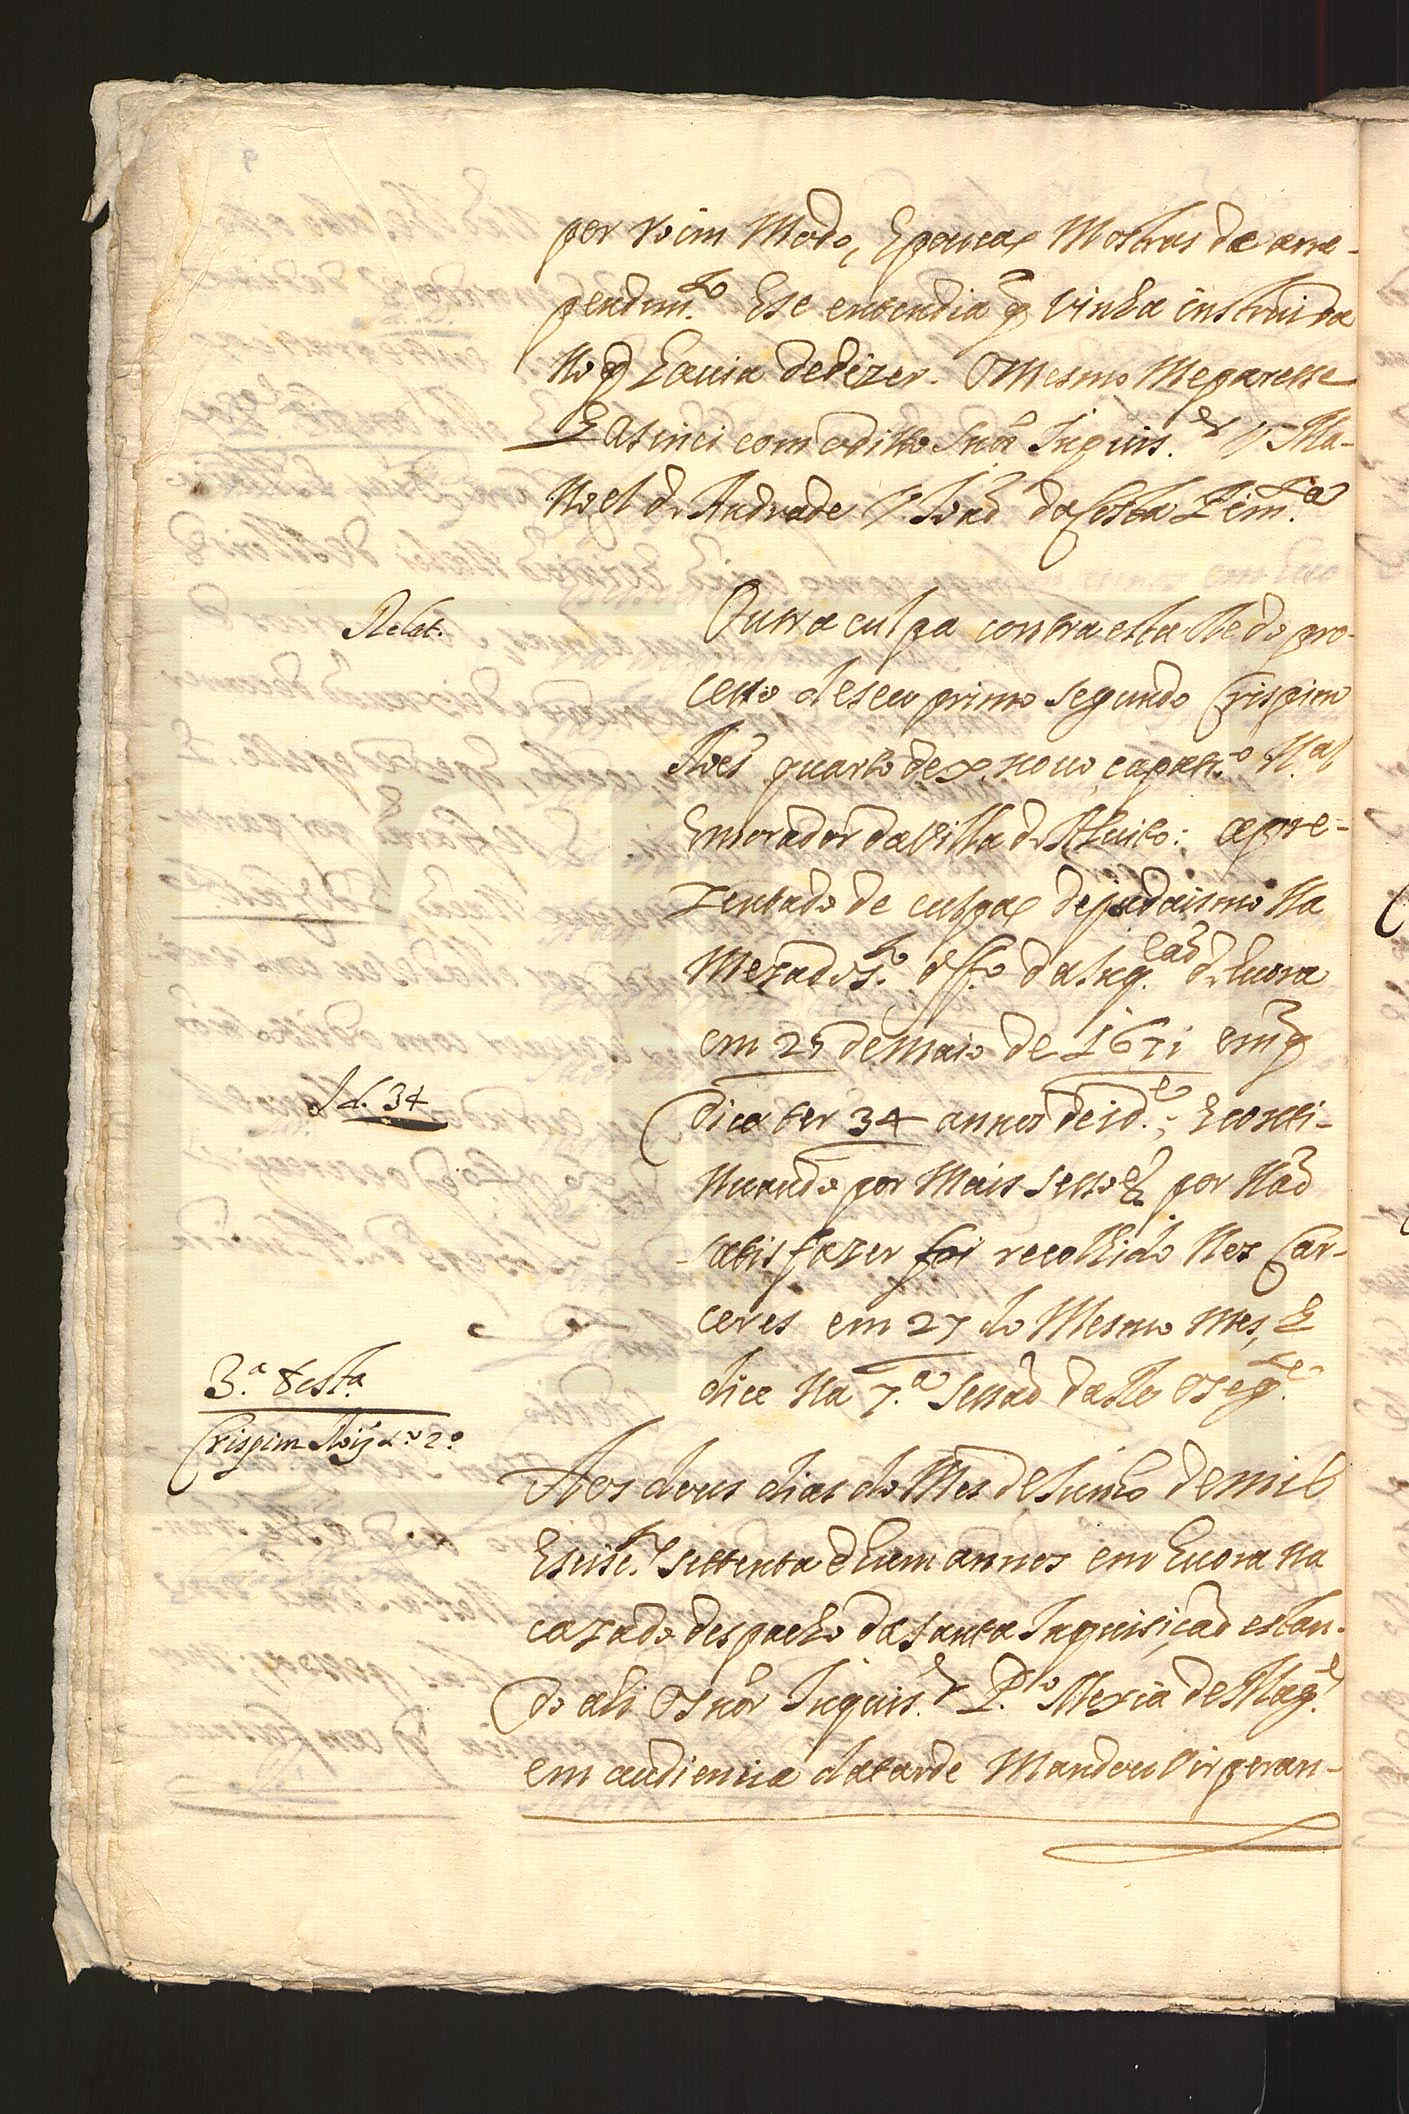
por roim Modo, E poucas mostras de arre
pendim.to E se entendia q̄ Vinha instruida
No q̄ hauia de dizer. O mesmo me paresse
E asinei com o ditto snōr Inquis.or //Ma
noel de Andrade //Ioão da Costa Pim.ta
Relat.
Outra culpa contra esta Re do pro
cesso de seu primo segundo Crispim
Roes̄ quarto de x. novo çapatr.o N.al
E morador da Villa d'Aluito: apre
zentado de culpas de judaismo Na
meza do s.to off.o da Inq.cão de Euora
em 29 de maio de i67i em q̄
Id. 34
dice ter 34 annos de id.e; E conti
nuando por Mais sessoẽs por Não
satisfazer foi recolhido Nos Car
ceres em 27 do Mesmo mes, E
3.a test.a
Crispim Roiz̄ 1.o 2.o
dice Na 7.a sessão da Re o seg.te
Aos dous dias do Mes de Iunho de mil
E seisc.tos settenta E hum annos em Euora na
caza do despacho da santa Inquisição estan
do ahi O snōr Inquis.or P.o Mexia de Mag.es
em audiencia da tarde Mandou vir peran
